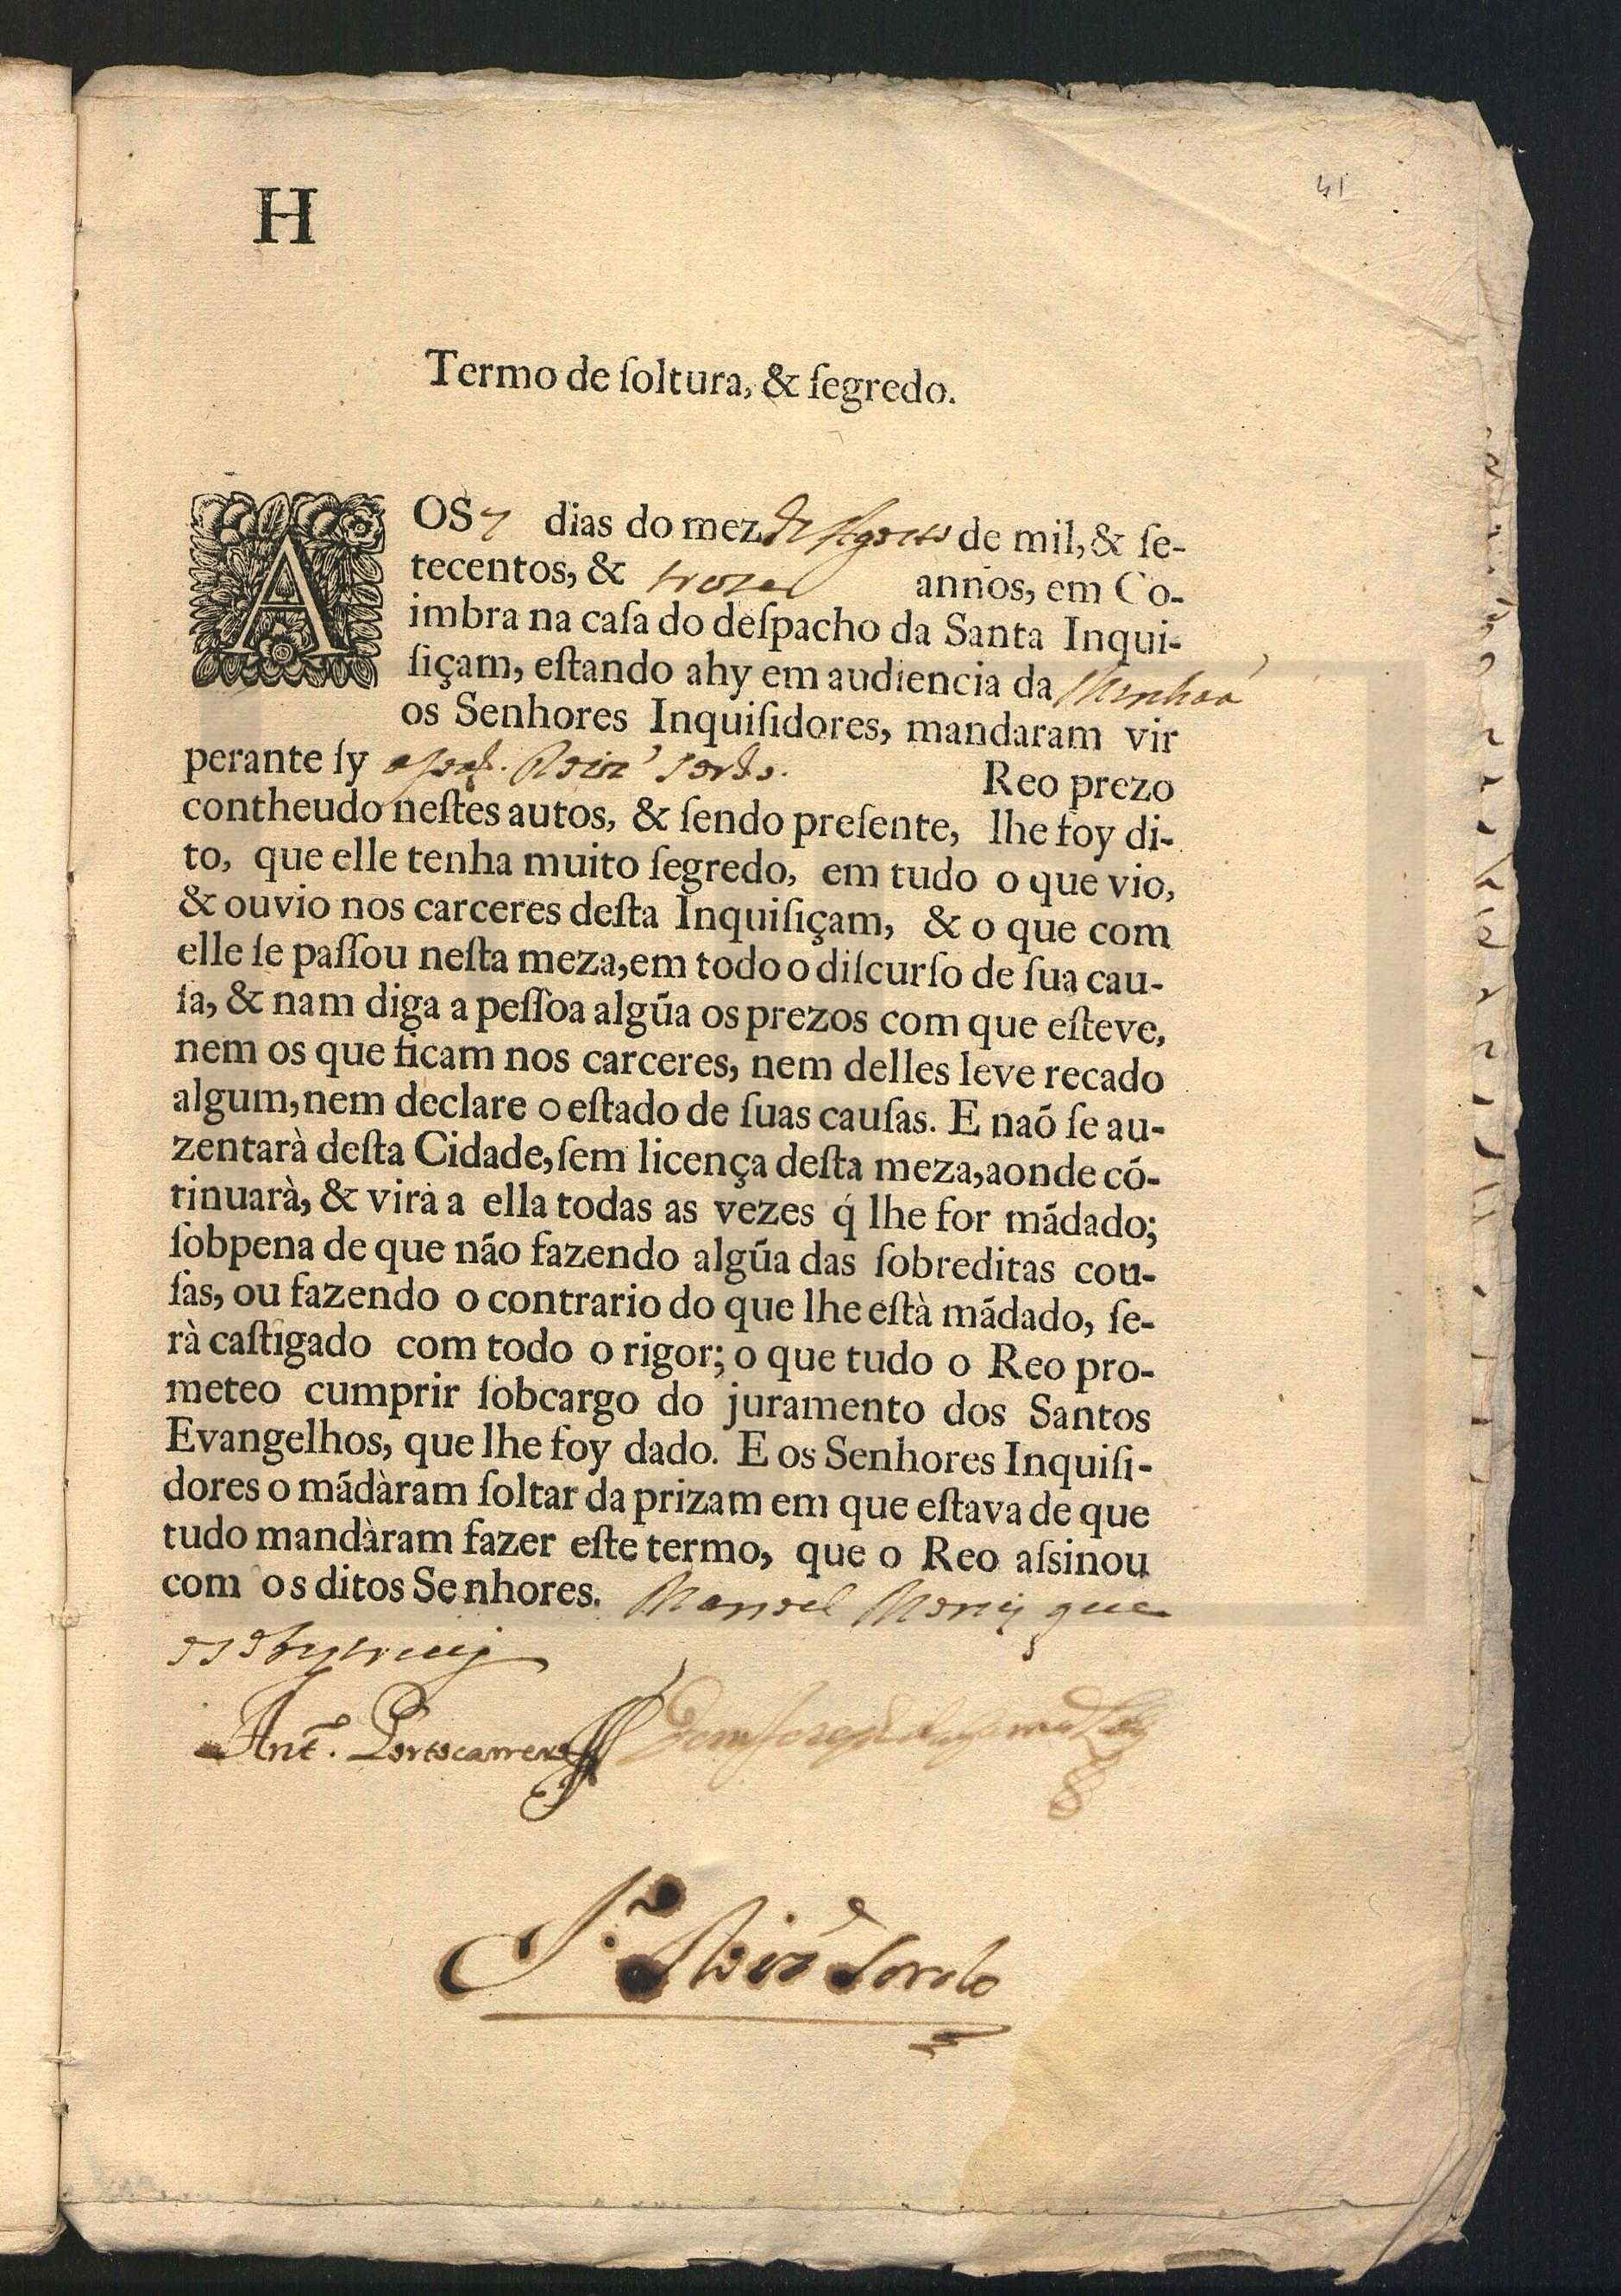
H
Termo de soltura, & segredo.
OS 7 dias do mez de Agosto de mil, & se
tecentos, & treze
annos, em Co
imbra na casa do despacho da Santa Inqui
siçam, estando ahy em audiencia da Menhaã
os Senhores Inquisidores, mandaram vir
perante sy a Joaõ Roiz̄ sordo.
Reo prezo
contheudo nestes autos, & sendo presente, lhe foy di
to, que elle tenha muito segredo, em tudo o que vio,
& ouvio nos carceres desta Inquisiçam, & o que com
elle se passou nesta meza, em todo o discurso de sua cau
sa, & nam diga a pessoa algūa os prezos com que esteve,
nem os que ficam nos carceres, nem delles leve recado
algum, nem declare o estado de suas causas. E naõ se au
zentarà desta Cidade, sem licença desta meza, aonde cō
tinuarà, & virá a ella todas as vezes q̄ lhe for mādado;
sob pena de que não fazendo algūa das sobreditas cou
sas, ou fazendo o contrario do que lhe està mādado, se
rà castigado com todo o rigor, o que tudo o Reo pro
meteo cumprir sob cargo do juramento dos Santos
Evangelhos, que lhe foy dado. E os Senhores Inquisi
dores o mādaram soltar da prizam em que estava de que
tudo mandàram fazer este termo, que o Reo assinou
com os ditos Senhores. Manoel Monis que
o sobescreuj
Ant.o Portocarrero
Dom Jozeph da Gama
I.o Roiz̄ Sordo
